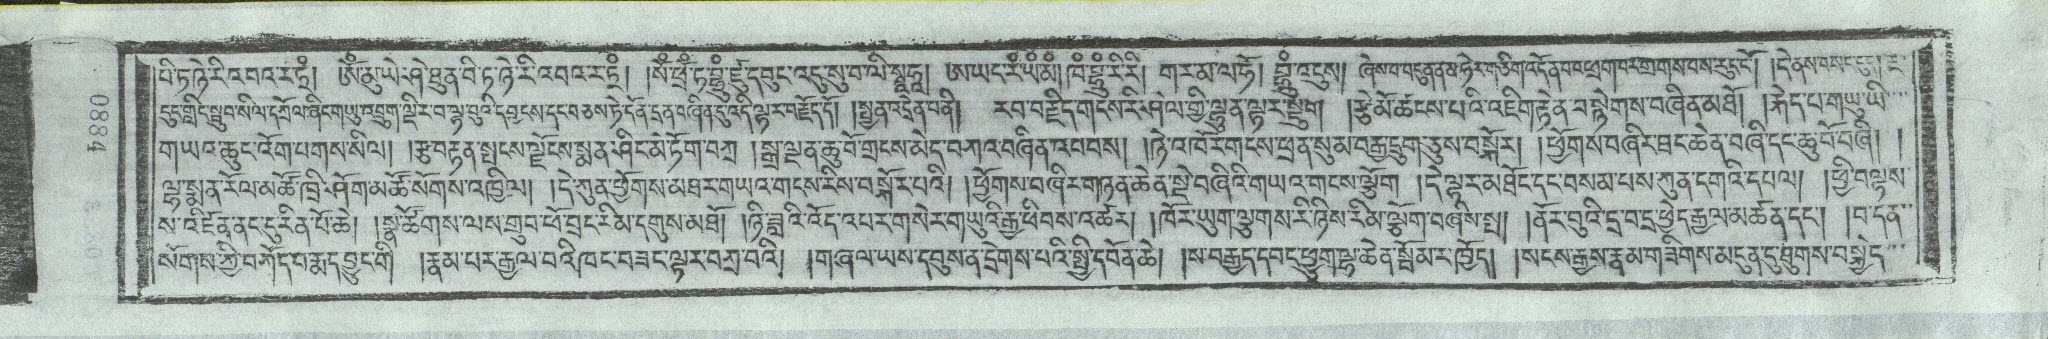པི་ཏ་ཉེ་རི་འབའ་རཏྲཾ། ཨོཾ་མུ་ཡེ་ཤེ་ཐུན་བི་ཏ་ཉེ་རི་འབའ་ར་ཏྲཾ། །སོཾ་ཕྲོཾ་ཏ་བྷྲུཾ་ཛུ་དབུང་འདུ་སུ་བ་ལི་སྭཱཏཱ། ཨ་ཡང་རཾ་ཡཾ་མཾ། ཁཾ་བྷུཾ་རི་རི། གར་མ་ལ་ཧོ། བྷྲུཾ་འདུས། ཞེས་པ་བདུན་ན་མ་ཉེར་གཅིག་འདོན་པ་འཕྲག་བར་གྲགས་པས་རུང་ངོ། །དེ་ནས་བསང་དུད། རྔ་
དུང་གླིང་སྦུབ་སིལ་དཀྲོལ་ཞིང་གཡུ་འབྲུག་ལྡིར་བ་ལྟ་བུའི་དབྱངས་དང་བཅས་ཏེ་དོན་དྲན་བཞིན་དུ་འདི་ལྟར་བརྗོད་དོ། །སྤྱན་འདྲེན་པ་ནི། རབ་བརྗིད་གངས་རི་ཤེལ་གྱི་ལྷུན་ལྟར་སྡུབ། །རྩེ་མོ་ཚངས་པའི་འཇིག་རྟེན་བསྙེགས་བཞིན་མཐོ། །རྐེད་པ་གཡུ་ཡི་
གཡའ་ཆུང་འོག་ཕགས་སིལ། །རྩ་བརྟན་སྤངས་ལྗོངས་སྨན་ཤིང་མེ་ཏོག་བཀྲ་།སྒྲ་ལྡན་ཆུ་བོ་གྲངས་མེད་བཀའ་བཞིན་འབབས། །ཉེ་འཁོར་གངས་ཕྲན་གསུམ་བརྒྱ་དྲུག་ཅུས་བསྐོར། །ཕྱོགས་བཞིར་ཐང་ཆེན་བཞི་དང་ཆུ་བོ་བ་ཞི།།
ལྷ་སྨན་རོལ་མཚོ་ཁྲི་ཤོག་མཚོ་སོགས་འཁྱིལ། །དེ་ཀུན་ཕྱོགས་མཐར་གཡའ་གངས་རིས་བསྐོར་པའི། །ཕྱོགས་བཞིར་གཉན་ཆེན་སྡེ་བཞིའི་གཡའ་གངས་ལྕོག །དེ་ལྟར་མཐོང་དང་བསམ་པས་ཀུན་དགའི་དཔལ། །ཕྱི་བལྟས་
ས་འཛིན་ནང་དུ་རིན་པོ་ཆེ། །སྣ་ཚོགས་ལས་གྲུབ་ཕོ་བྲང་རིམ་དགུས་མཐོ། །ཉི་ཟླའི་འོད་འབར་གསེར་གཡུའི་རྒྱ་ཕིབས་འཚར། །ཁོར་ཡུག་ལྕགས་རི་ཉིས་རིམ་ལྕོག་བཞིས་སྤ། །ནོར་བུའི་དྲ་བ་དྲ་ཕྱེད་རྒྱལ་མཚན་དང་། །བ་དན་
སོགས་ཀྱི་བཀོད་བ་རྨད་བྱུང་གི །རྣམ་པར་རྒྱལ་བའི་ཁང་བཟང་ལྟར་བཀྲ་བའི། །གཞལ་ཡས་དབུས་ན་དྲེགས་པའི་སྤྱི་བདོན་ཆེ། །ས་བརྒྱད་དབང་ཕྱུག་ལྷ་ཆེན་སྦོམ་རེ་ཁྱོད། །སངས་རྒྱས་རྣམ་གཟིགས་མདུན་དུ་ཐུགས་བསྐྱེ་